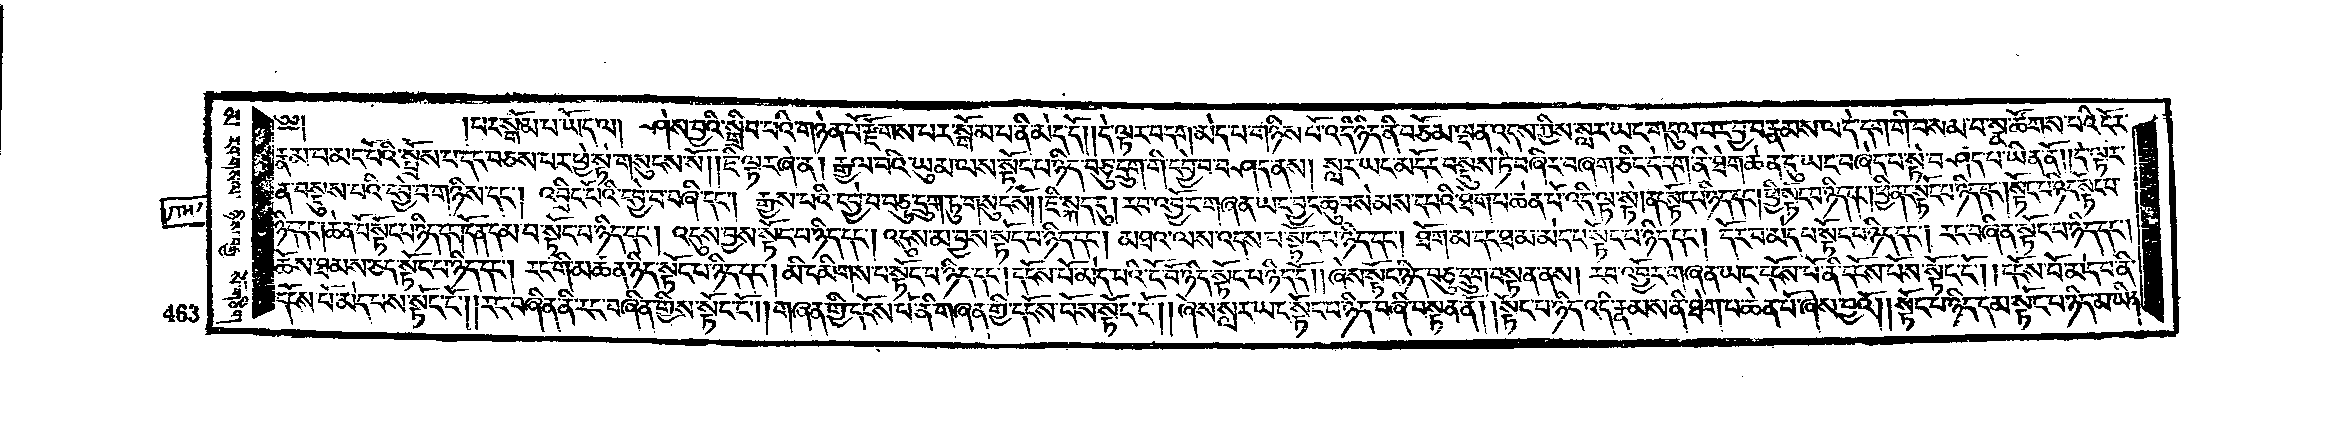༄༅། །པར་སྒོམ་པ་ཡོད་ལ། ཤེས་བྱའི་སྒྲིབ་པའི་གཉེན་པོ་རྫོགས་པར་སྒོམ་པ་ནི་མེད་དོ། །དེ་ལྟར་བདག་མེད་པ་གཉིས་པོ་འདི་ཉིད་ནི་བཅོམ་ལྡན་འདས་ཀྱིས་སླར་ཡང་གདུལ་བར་བྱ་བ་རྣམས་ལ་དེ་དག་གི་བསམ་པ་སྣ་ཚོགས་པའི་དོར་
རྣམ་པ་མང་པོའི་སྤྲོས་པ་དང་བཅས་པར་ཕྱེ་སྟེ་གསུངས་སོ། །ཇི་ལྟར་ཞེ་ན། རྒྱལ་བའི་ཡུམ་ལས་སྟོང་པ་ཉིད་བཅུ་དྲུག་གི་དབྱེ་བ་བཤད་ནས། སླར་ཡང་མདོར་བསྡུས་ཏེ་བཞིར་བཞག་ཅིང་དེ་དག་ནི་ཐེག་ཆེན་དུ་ཡང་བཞེད་པ་སྟེ་བཤད་པ་ཡིན་ནོ། །དེ་ལྟར་
ན་བསྡུས་པའི་དབྱེ་བ་གཉིས་དང་། འབྲིང་པོའི་དབྱེ་བ་བཞི་དང་། རྒྱས་པའི་དབྱེ་བ་བཅུ་དྲུག་ཏུ་གསུངས་སོ། །ཇི་སྐད་དུ། རབ་འབྱོར་གཞན་ཡང་བྱང་ཆུབ་སེམས་དཔའི་ཐེག་པ་ཆེན་པོ་འདི་ལྟ་སྟེ། ནང་སྟོང་པ་ཉིད་དང་། ཕྱི་སྟོང་པ་ཉིད་དང་། ཕྱི་ནང་སྟོང་པ་ཉིད་དང་། སྟོང་པ་ཉིད་སྟོང་པ་
ཉིད་དང་། ཆེན་པོ་སྟོང་པ་ཉིད་དང་། དོན་དམ་པ་སྟོང་པ་ཉིད་དང་། འདུས་བྱས་སྟོང་པ་ཉིད་དང་། འདུས་མ་བྱས་སྟོང་པ་ཉིད་དང་། མཐའ་ལས་འདས་པ་སྟོང་པ་ཉིད་དང་། ཐོག་མ་དང་ཐ་མ་མེད་པ་སྟོང་པ་ཉིད་དང་། དོར་བ་མེད་པ་སྟོང་པ་ཉིད་དང་། རང་བཞིན་སྟོང་པ་ཉིད་དང་།
ཆོས་ཐམས་ཅད་སྟོང་པ་ཉིད་དང་། རང་གི་མཚན་ཉིད་སྟོང་པ་ཉིད་དང་། མི་དམིགས་པ་སྟོང་པ་ཉིད་དང་། དངོས་པོ་མེད་པའི་ངོ་བོ་ཉིད་སྟོང་པ་ཉིད་དོ། །ཞེས་སྟོང་ཉིད་བཅུ་དྲུག་བསྟན་ནས། རབ་འབྱོར་གཞན་ཡང་དངོས་པོ་ནི་དངོས་པོས་སྟོང་ངོ། །དངོས་པོ་མེད་པ་ནི་
དངོས་པོ་མེད་པས་སྟོང་ངོ། །རང་བཞིན་ནི་རང་བཞིན་གྱིས་སྟོང་ངོ། །གཞན་གྱི་དངོས་པོ་ནི་གཞན་གྱི་དངོས་པོས་སྟོང་ངོ། །ཞེས་སླར་ཡང་སྟོང་པ་ཉིད་བཞི་བསྟན་ནོ། །སྟོང་པ་ཉིད་འདི་རྣམས་ནི་ཐེག་པ་ཆེན་པོ་ཞེས་བྱའོ། །སྟོང་པ་ཉིད་དམ་སྟོང་པ་ཉིད་མ་ཡིན་